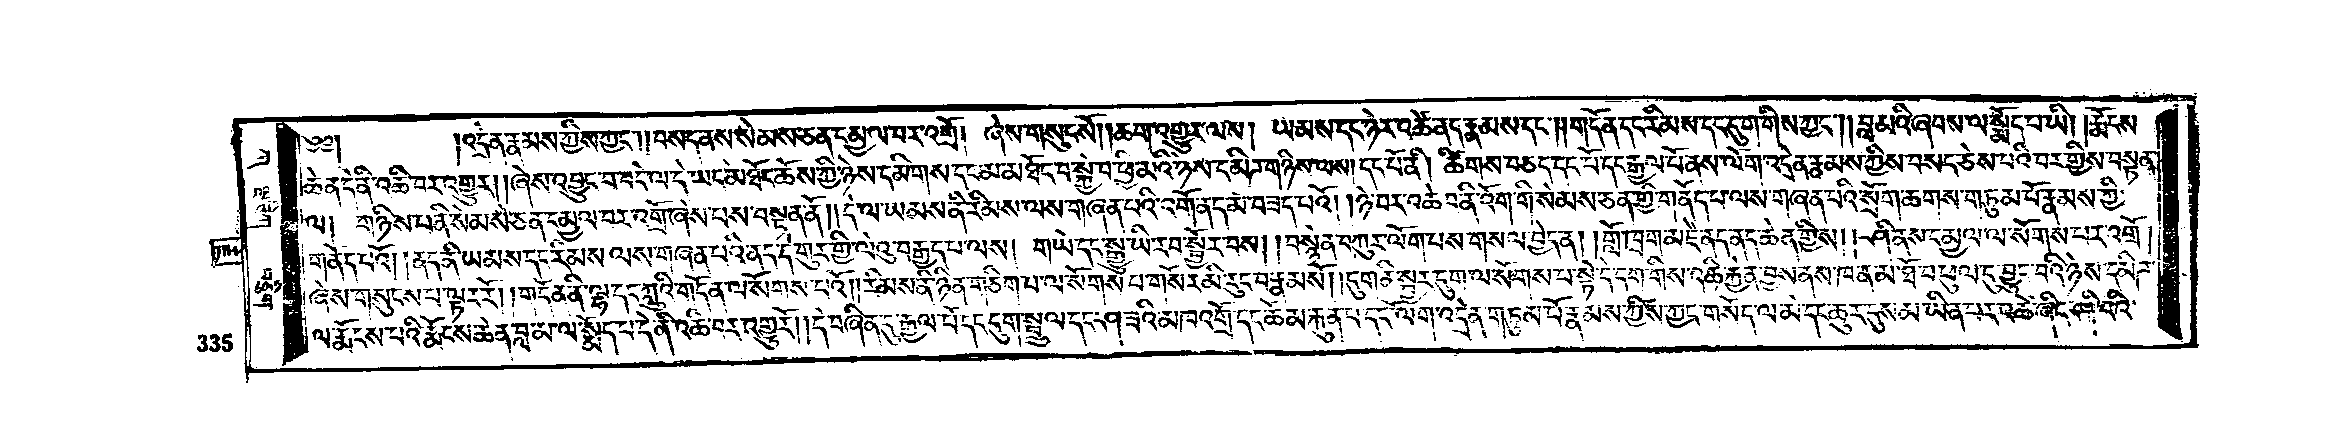༄༅། །འདྲེན་རྣམས་ཀྱིས་ཀྱང་། །བསད་ནས་སེམས་ཅན་དམྱལ་བར་འགྲོ། ཞེས་གསུངས་སོ། །ཆག་འགྱུར་ལས། ཡམས་དང་ཉེར་འཚེ་ནད་རྣམས་དང་། །གདོན་དང་རིམས་དང་དུག་གིས་ཀྱང་། །བླ་མའི་ཞབས་ལ་སྨོད་པ་ཡི། །རྨོངས་
ཆེན་དེ་ནི་འཆི་བར་འགྱུར། །ཞེས་འབྱུང་བ་བདེ་ལ་དེ་ཡང་མཐོང་ཆོས་ཀྱི་ཉེས་དམིགས་དང་མ་མཐོང་བ་སྐྱེ་བ་ཕྱི་མའི་ཉེས་དམིགས་གཉིས་ལས། དང་པོ་ནི། ཚིགས་བཅད་དང་པོ་དང་རྒྱལ་པོ་ནས་ལོག་འདྲེན་རྣམས་ཀྱིས་བསད་ཅེས་པའི་བར་གྱིས་བསྟན་
ལ། གཉིས་པ་ནི་སེམས་ཅན་དམྱལ་བར་འགྲོ་ཞེས་པས་བསྟན་ནོ། །དེ་ལ་ཡམས་ནི་རིམས་ལས་གཞན་པའི་འོག་ནད་མི་བཟད་པའོ། །ཉེ་བར་འཆེ་བ་ནི་འོག་གི་སེམས་ཅན་གྱི་གནོད་པ་ལས་གཞན་པའི་སྲོག་ཆགས་གཏུམ་པོ་རྣམས་ཀྱི་
གནོད་པའོ། །ནད་ནི་ཡམས་དང་རིམས་ལས་གཞན་པའི་ནད་དེ་གུར་གྱི་ལེའུ་བརྒྱད་པ་ལས། གཡེ་དང་སྒྱུ་ཡི་རབ་སྦྱོར་བས། །བསྙེན་བཀུར་ལོག་པས་གསལ་བྱེད་ན། །གློ་ཁྲག་མཛེ་ནད་ནད་ཆེན་གྱིས། །ཤི་ནས་དམྱལ་ལ་སོགས་པར་འགྲོ།
ཞེས་གསུངས་པ་ལྟར་རོ། །གདོན་ནི་ལྷ་དང་ཀླུའི་གདོན་ལ་སོགས་པའོ། །རིམས་ནི་ཉིན་གཅིག་པ་ལ་སོགས་པ་གསོར་མི་རུང་བ་རྣམས་སོ། །དུག་ཅི་སྦྱར་དུག་ལ་སོགས་པ་སྟེ་དེ་དག་གིས་འཆི་རྐྱེན་བྱས་ནས་ཁ་ན་མ་ཐོ་བ་ཕུལ་དུ་བྱུང་བའི་ཉེས་དམིགས་
ལ་རྨོངས་པའི་རྨོངས་ཆེན་བླ་མ་ལ་སྨོད་པ་དེ་ནི་འཆི་བར་འགྱུར་རོ། །དེ་བཞིན་དུ་རྒྱལ་པོ་དང་དུག་སྦྲུལ་དང་ཤ་ཟའི་མཁའ་འགྲོ་དང་ཆོམ་རྐུན་པ་དང་ལོག་འདྲེན་གཏུམ་པོ་རྣམས་ཀྱིས་ཀྱང་གསོད་ལ་མེ་དང་ཆུར་དུས་མ་ཡིན་པར་འཚེ་ཞིང་ཤི་བའི་